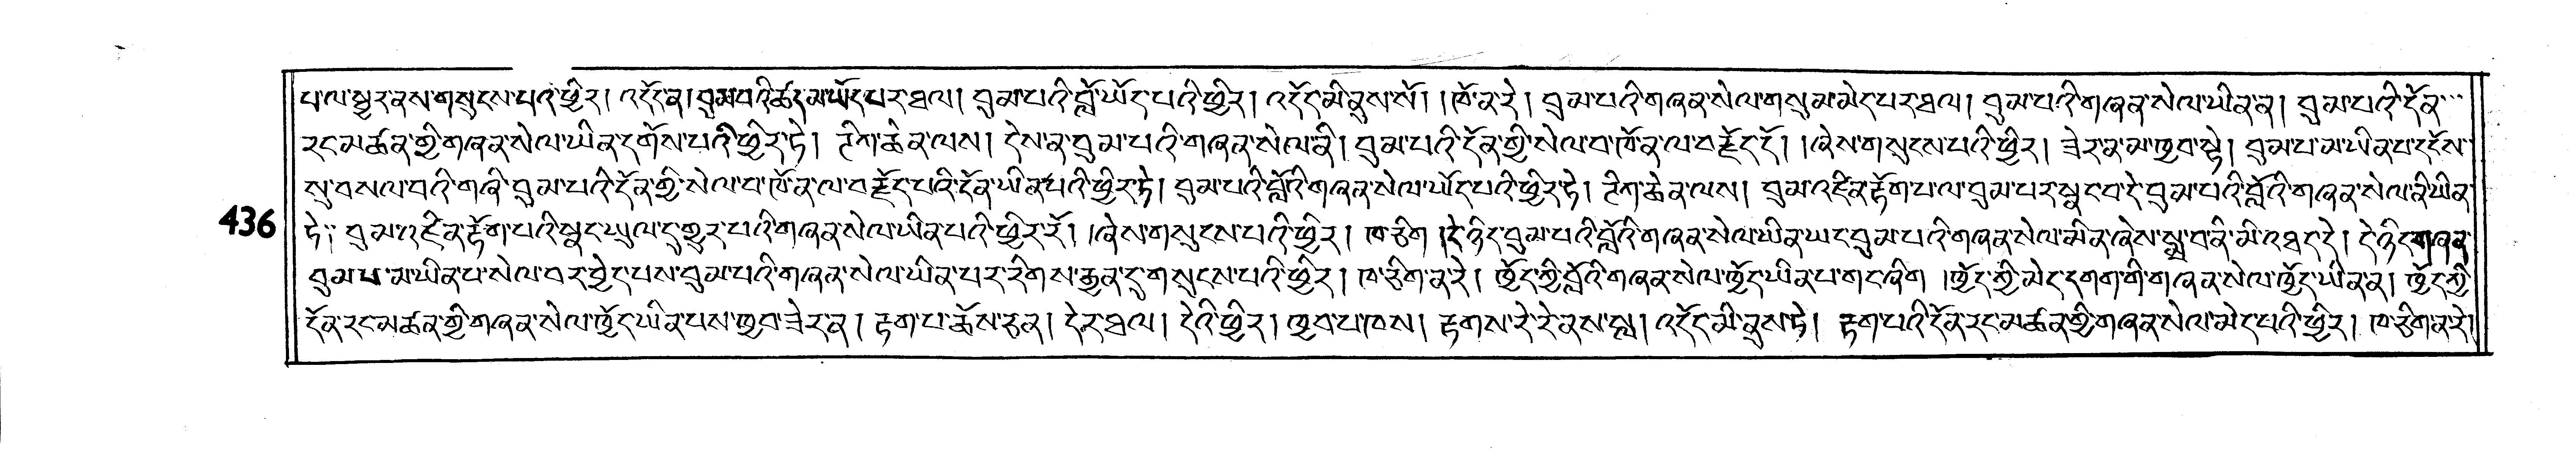པ་ལ་སྦྱར་ནས་གསུངས་པའི་ཕྱིར། འདོད་ན། བུམ་པའི་ཚད་མ་ཡོད་པར་ཐལ། བུམ་པའི་བློ་ཡོད་པའི་ཕྱིར། འདོད་མི་ནུས་སོ། །ཁོ་ན་རེ། བུམ་པའི་གཞན་སེལ་གསུམ་མེད་པར་ཐལ། བུམ་པའི་གཞན་སེལ་ཡིན་ན། བུམ་པའི་དོན་
རང་མཚན་གྱི་གཞན་སེལ་ཡིན་དངོས་པའི་ཕྱིར་ཏེ། ཊེཀ་ཆེན་ལས། དེས་ན་བུམ་པའི་གཞན་སེལ་ནི། བུམ་པའི་དོན་གྱི་སེལ་བ་ཁོ་ན་ལ་བརྗོད་དོ། །ཞེས་གསུངས་པའི་ཕྱིར། ཟེར་ན་མ་ཁྱབ་སྟེ། བུམ་པ་མ་ཡིན་པ་དངོས་
སུ་བསལ་བའི་གཞི་བུམ་པའི་དོན་གྱི་སེལ་བ་ཁོ་ན་ལ་བརྗོད་པའི་དོན་ཡིན་པའི་ཕྱིར་ཏེ། བུམ་པའི་བློའི་གཞན་སེལ་ཡོད་པའི་ཕྱིར་ཏེ། ཊི་ཀ་ཆེན་ལས། བུམ་འཛིན་རྟོག་པ་ལ་བུམ་པར་སྣང་བ་དེ་བུམ་པའི་བློའི་གཞན་སེལ་ནི་ཡིན་
ཏེ༑ བུམ་འཛིན་རྟོག་པའི་སྣང་ཡུལ་དུ་གྱུར་པའི་གཞན་སེལ་ཡིན་པའི་ཕྱིར་རོ། །ཞེས་གསུངས་པའི་ཕྱིར། ཁ་ཅིག །དེ་ཉིད་བུམ་པའི་བློའི་གཞན་སེལ་ཡིན་ཡང་བུམ་པའི་གཞན་སེལ་མིན་ཞེས་སྨྲ་བ་ནི་མི་འཐད་དེ། དེ་ཉིད་གཞན་
བུམ་པ་མ་ཡིན་པ་སེལ་བར་བྱེད་པས་བུམ་པའི་གཞན་སེལ་ཡིན་པར་རིགས་རྒྱན་དུ་གསུངས་བའི་ཕྱིར། ཁ་ཅིག་ན་རེ། ཁྱོད་ཀྱི་བློའི་གཞན་སེལ་ཁྱོད་ཡིན་པ་གང་ཞིག། ཁྱོད་ཀྱི་མེད་དགག་གི་གཞན་སེལ་ཁྱོད་ཡིན་ན། ཁྱོད་ཀྱི་
དོན་རང་མཚན་གྱི་གཞན་སེལ་ཁྱོད་ཡིན་པས་ཁྱབ་ཟེར་ན། རྟག་པ་ཆོས་ཅན། དེར་ཐལ། དེའི་ཕྱིར། ཁྱབ་པ་ཁས། རྟགས་རེ་རེ་ནས་སླ། འདོད་མི་ནུས་ཏེ། རྟག་པའི་དོན་རང་མཚན་གྱི་གཞན་སེལ་མེད་པའི་ཕྱིར། ཁ་ཅིག་ན་རེ།